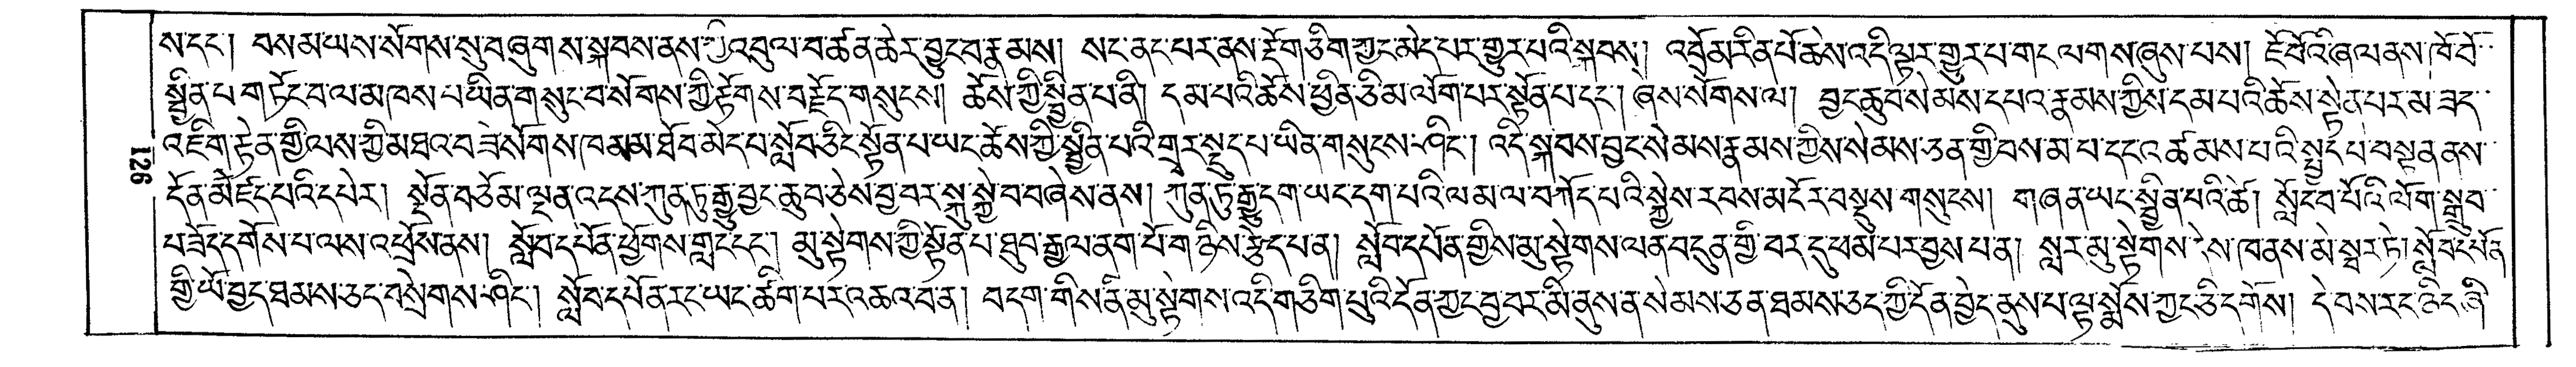ས་དང་། བསམ་ཡས་སོགས་སུ་བཞུགས་སྐབས་ནས་ཀྱི་འབུལ་བ་ཚན་ཆེར་བྱུང་བ་རྣམས། སང་ནང་པར་ནས་རྡོག་ཅིག་ཀྱང་མེད་པར་གྱུར་པའི་སྐབས། འབྲོམ་རིན་པོ་ཆེས་འདི་ལྟར་གྱུར་པ་གང་ལགས་ཞུས་བས། ཇོ་བོའི་ཞལ་ནས་ཁོ་བོ་
སྦྱིན་པ་གཏོང་བ་ལ་མཁས་པ་ཡིན་གསུང་བ་སོགས་ཀྱི་རྟོགས་བརྗོད་གསུངས། ཆོས་ཀྱི་སྦྱིན་པ་ནི། དམ་པའི་ཆོས་ཕྱིན་ཅི་མ་ལོག་པར་སྟོན་པ་དང་། ཞེས་སོགས་ལ། བྱང་ཆུབ་སེམས་དཔའ་རྣམས་ཀྱིས་དམ་པའི་ཆོས་སྟེན་པར་མ་ཟད་
འཇིག་རྟེན་གྱི་ལས་ཀྱི་མཐའ་བཟོ་སོགས་ཁ་ན་མ་ཐོ་བ་མེད་པ་སློབ་ཅིང་སྟོན་པ་ཡང་ཆོས་ཀྱི་སྦྱིན་པའི་གྲྭར་སྡུད་པ་ཡིན་གསུངས་ཤིང་། འདི་སྐབས་བྱང་སེམས་རྣམས་ཀྱིས་སེམས་ཅན་གྱི་བསམ་པ་དང་འཚམས་པའི་སྤྱོད་པ་བསྟན་ནས་
དོན་མཛད་པའི་དཔེར། སྔོན་བཅོམ་ལྡན་འདས་ཀུན་ཏུ་རྒྱུ་བྱང་ཆུབ་ཅེས་བྱ་བར་སྐུ་སྐྱེ་བ་བཞེས་ནས། ཀུན་ཏུ་རྒྱུ་དག་ཡང་དག་པའི་ལམ་ལ་བཀོད་པའི་སྐྱེས་རབས་མདོར་བསྡུས་གསུངས། གཞན་ཡང་སྦྱིན་པའི་ཚེ། སློང་བ་པོའི་ལོག་སྒྲུབ་
བཟོད་དགོས་པ་ལས་འཕྲོས་ནས། སློབ་དཔོན་ཕྱོགས་གླང་དང་། མུ་སྟེགས་ཀྱི་སྟོན་པ་ཐུབ་རྒྱལ་ནག་པོ་གཉིས་རྩོད་པ་ན། སློབ་དཔོན་གྱིས་མུ་སྟེགས་ལན་བདུན་གྱི་པར་དུ་ཕམ་པར་བྱས་པ་ན། སླར་མུ་སྟེགས་དེས་ཁ་ནས་མེ་སྦར་ཏེ། སློབ་དཔོན་
གྱི་ཡོ་བྱད་ཐམས་ཅད་བསྲེགས་ཤིང་། སློབ་དཔོན་རང་ཡང་ཚིག་པར་འཆའ་བ་ན། བདག་གིས་ནི་མུ་སྟེགས་འདི་གཅིག་པུའི་དོན་ཀྱང་བྱ་བར་མི་ནུས་ན་སེམས་ཅན་ཐམས་ཅད་ཀྱི་དོན་བྱེད་ནུས་པ་ལྟ་སྨོས་ཀྱང་ཅི་དགོས། དེ་བས་རང་ཉིད་ཞི་